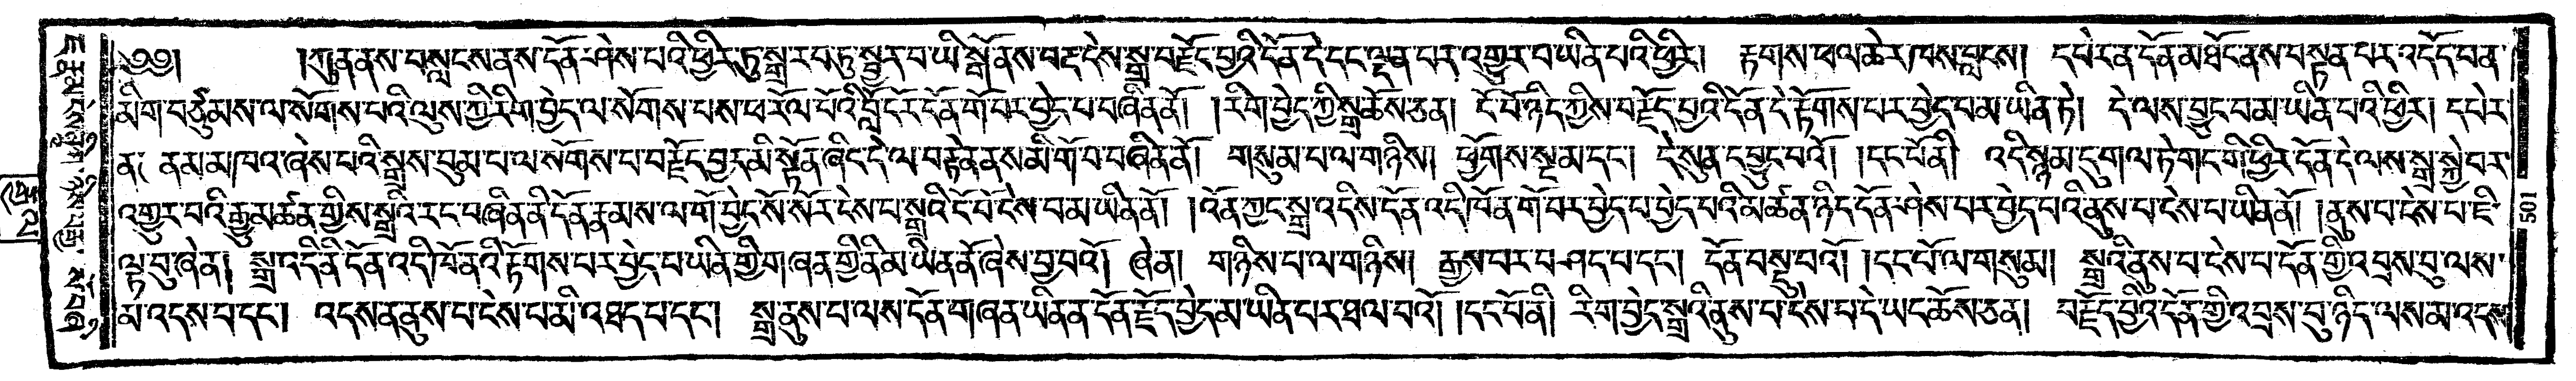༄༅། །ཀུན་ནས་བསླངས་ནས་དོན་ཤེས་པའི་ཕྱིར་ཏུ་སྒྲ་རབ་ཏུ་སྦྱར་བ་ཡི་སྒོ་ནས་བརྡ་དེས་སྒྲ་བརྗོད་བྱའི་དོན་དེ་དང་ལྡན་པར་འགྱུར་བ་ཡིན་པའི་ཕྱིར། རྟགས་ཕལ་ཆེར་ཁས་བླངས། དཔེར་ན་དོན་མཐོང་ནས་བསྟན་པར་འདོད་པ་ན་
མིག་བཙུམས་ལ་སོགས་པའི་ལུས་ཀྱི་རིག་བྱེད་ལ་སོགས་པས་ཕ་རོལ་པོའི་བློ་ངོར་དོན་གོ་བར་བྱེད་པ་བཞིན་ནོ། །རིག་བྱེད་ཀྱི་སྒྲ་ཆོས་ཅན། ངོ་བོ་ཉིད་ཀྱིས་བརྗོད་བྱའི་དོན་དེ་རྟོགས་པར་བྱེད་པ་མ་ཡིན་ཏེ། དེ་ལས་བྱུང་བ་མ་ཡིན་པའི་ཕྱིར། དཔེར་
ན། ནམ་མཁའ་ཞེས་པའི་སྒྲས་བུམ་པ་ལ་སོགས་པ་བརྗོད་བྱར་མི་སྟོན་ཞིང་དེ་ལ་བརྟེན་ནས་མི་གོ་བ་བཞིན་ནོ། གསུམ་པ་ལ་གཉིས། ཕྱོགས་སྔ་མ་དང་། དེ་སུན་དབྱུང་བའོ། །དང་པོ་ནི། འདི་སྙམ་དུ་གལ་ཏེ་གང་གི་ཕྱིར་དོན་དེ་ལས་སྒྲ་སྐྱེ་བར་
འགྱུར་བའི་རྒྱུ་མཚན་གྱིས་སྒྲའི་རང་བཞིན་ནི་དོན་རྣམས་ལ་གོ་བྱེད་སོ་སོར་ངེས་པ་སྒྲའི་ངོ་བོ་ངེས་པ་མ་ཡིན་ནོ། །འོན་ཀྱང་སྒྲ་འདིས་དོན་འདི་ཁོ་ན་གོ་བར་བྱེད་པ་བྱེད་པའི་མཚན་ཉིད་དོན་ཤེས་པར་བྱེད་པའི་ནུས་པ་ངེས་པ་ཡིན་ནོ། །ནུས་པ་ངེས་པ་ཇི་
ལྟ་བུ་ཞེ་ན། སྒྲ་འདི་ནི་དོན་འདི་ཁོ་ནའི་རྟོགས་པར་བྱེད་པ་ཡིན་གྱི་གཞན་གྱི་ནི་མ་ཡིན་ནོ་ཞེས་བྱ་བའོ། ཞེ་ན། གཉིས་པ་ལ་གཉིས། རྒྱས་པར་བཤད་པ་དང་། དོན་བསྡུ་བའོ། །དང་པོ་ལ་གསུམ། སྒྲའི་ནུས་པ་ངེས་པ་དོན་གྱི་འབྲས་བུ་ལས་
མ་འདས་པ་དང་། འདས་ན་ནུས་པ་ངེས་པ་མི་འཐད་པ་དང་། སྒྲ་ནུས་པ་ལས་དོན་གཞན་ཡིན་ན་དོན་རྗོད་བྱེད་མ་ཡིན་པར་ཐལ་བའོ། །དང་པོ་ནི། རིག་བྱེད་སྒྲའི་ནུས་པ་ངེས་པ་དེ་ཡང་ཆོས་ཅན། བརྗོད་བྱའི་དོན་གྱི་འབྲས་བུ་ཉིད་ལས་མ་འདས་